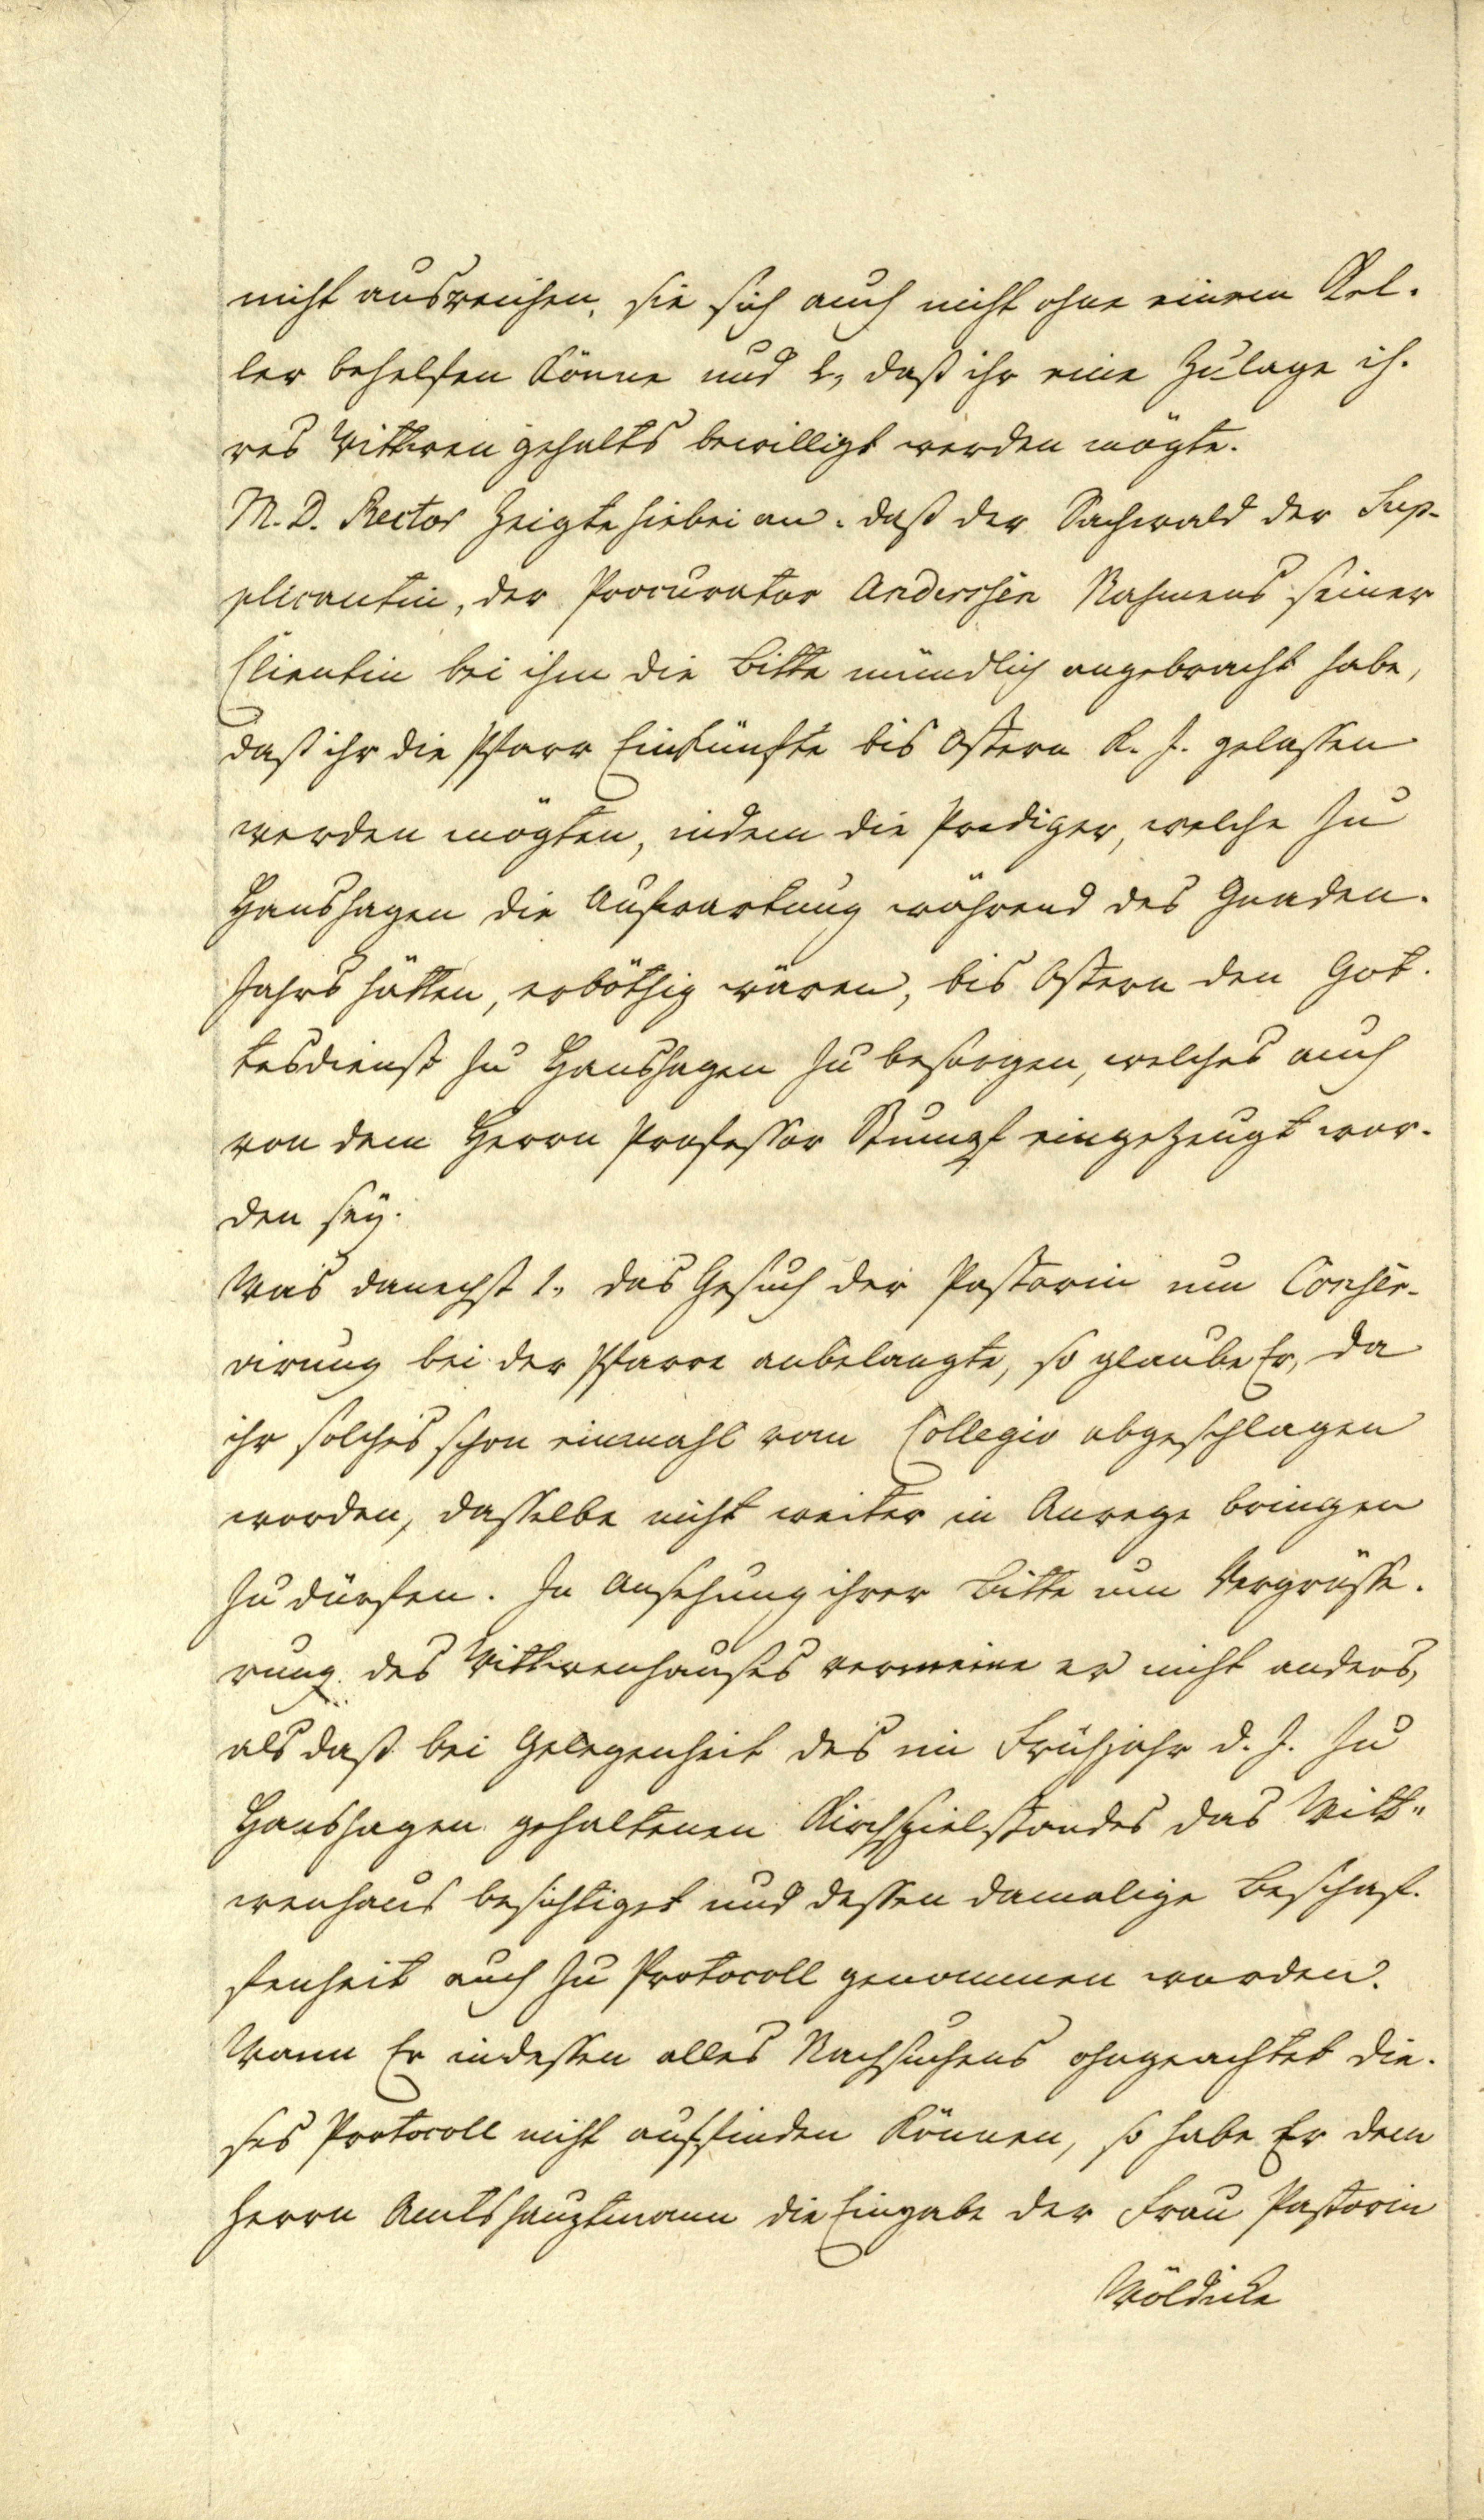nicht ausreichen, sie sich auch nicht ohne einem Kel¬
ler behelfen könne und 2, daß ihr eine Zulage ih¬
res Wittwen gehalts bewilligt werden mögte.
M. D. Rector zeigte hiebei an: daß der Sachwald der Sup¬
plicantin, der Procurator Anderssen Nahmens seiner
Clientin bei ihm die Bitte mündlich angebracht habe,
daß ihr die Pfarr Einkünfte es Ostern k. J. gelassen
werden mögten, indem die Prediger, welche zu
Hanshagen die Aufwartung während des Gnaden¬
Jahres hätten, erböthig wären, bis Ostern den Got¬
tesdienst zu Hanshagen zu besorgen, welches auch
von dem Herrn Professor Stumpf eingezeugt wor¬
den seÿ.
Was danechst 1, das Gesuch der Pastorin um Conser¬
virung bei der Pfarre anbelangte, so glaubeEr, da
ihr solches schon einmahl vom Collegio abgeschlagen
worden, dasselbe nicht weiter in Anrege bringen
zu dürfen. In Ansehung ihrer Bitte um Vergrösse-
rung des Wittwenhauses vermeine er nicht anders,
als daß bei Gelegenheit des im Frühjahr d. J. zu
Hanshagen gehaltenen Kirchspielstandes das Witt¬
wenhaus besichtiget und dessen damalige Beschaf¬
fenheit auch zu Protocoll genommen worden.
Wann Er indessen alles Nachsuchens ohngeachtet die¬
ses Protocoll nicht auffinden können, so habe Er dem
Herrn Amtshauptmann die Eingabe der Frau Pastorin
Wöldicke